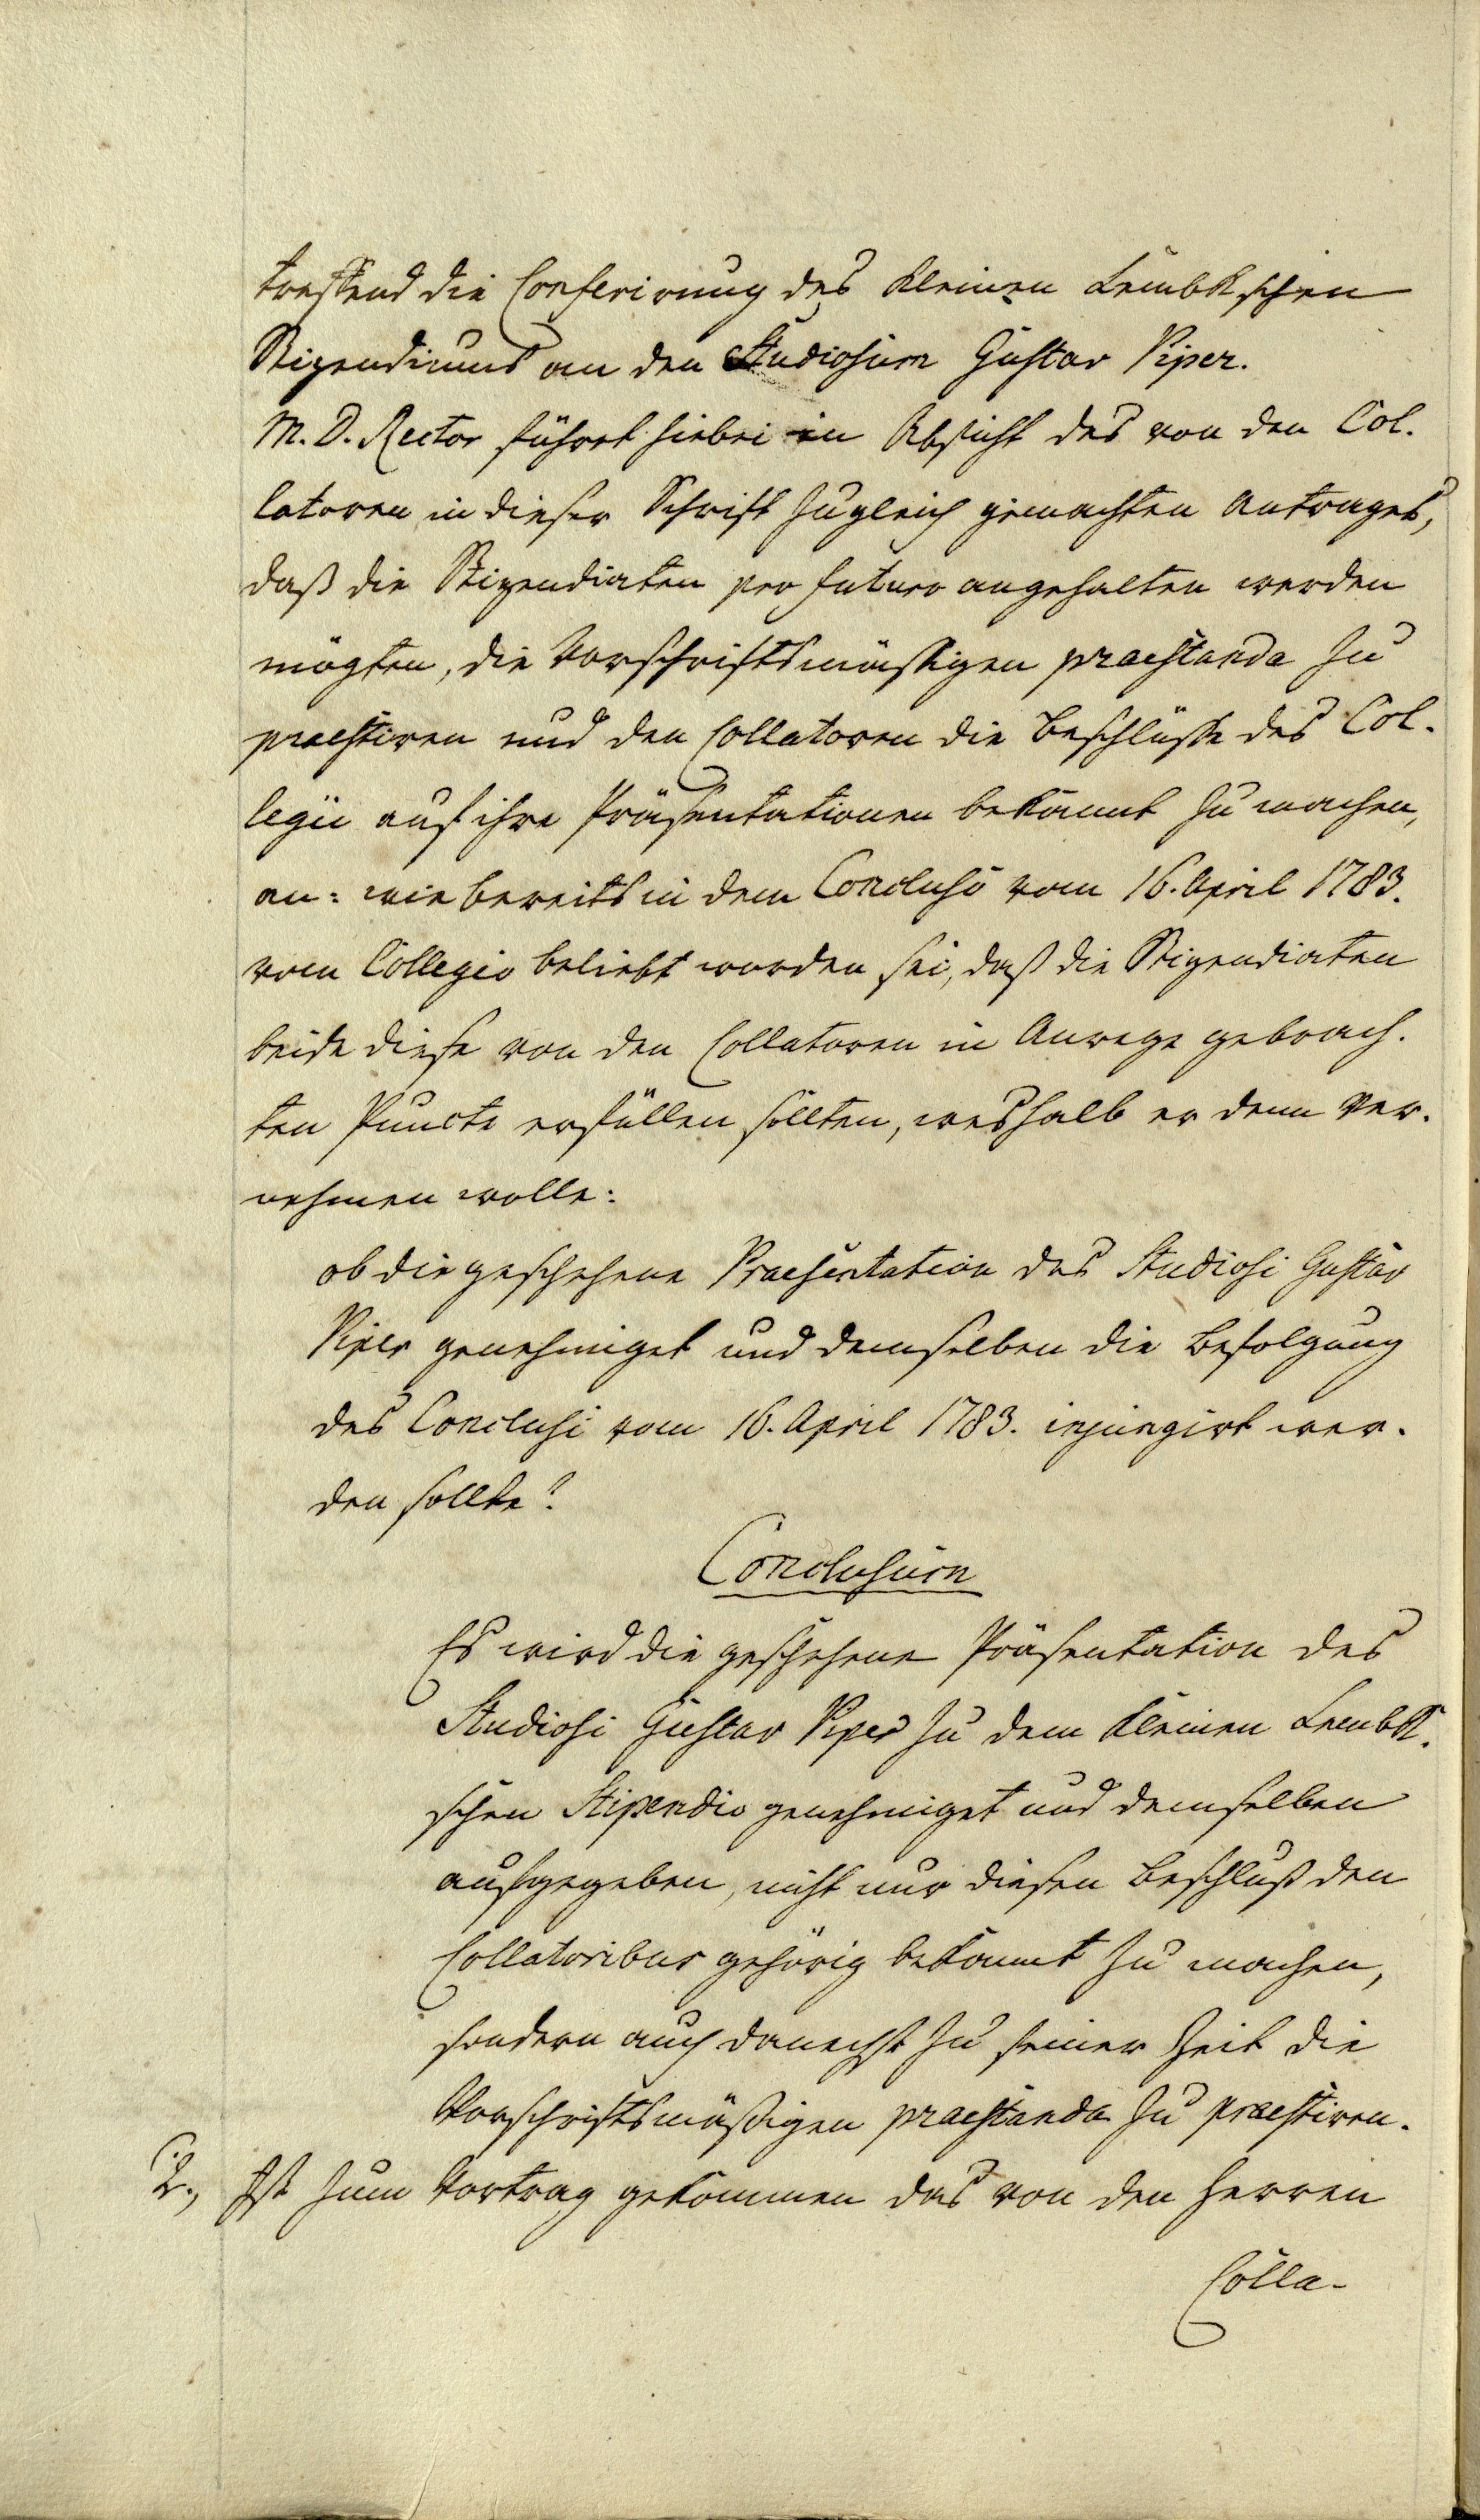treffend die Conferirung des kleinen Lembkschen
Stipendiums an den Studiosum Gustav Piper.
M. D. Rector führet hiebei in Absicht des von den Col¬
latoren in dieser Schrift zugleich gemachten Antrages,
daß die Stipendiaten pro futuro angehalten werden
mögten, die Vorschriftsmässigen praestanda zu
praestiren und den Collatoren die Beschlüsse des Col¬
legii auf ihre Präsentationen bekannt zu machen,
an: wie bereits in dem Concluso vom 16. April 1783.
vom Collegio beliebt worden sei, daß die Stipendiaten
beide diese von den Collatoren in Anrege gebrach¬
ten Puncte erfüllen sollten, weshalb er denn ver¬
nehmen wolle:
ob die geschehene Praesentation das Studiosi Gustav
Piper genehmiget und demselben die Befolgung
des Conclusi vom 16. April 1783. injungirt wer¬
den sollte?
Conclusum
Es wird die geschehene Präsentation des
Studiosi Gustav Piper zu dem kleinen Lembk¬
schen Stipendio genehmiget und demselben
aufgegeben, nicht nur diesen Beschluß den
Collatoribus gehörig bekannt zu machen,
sondern auch danechst zu seiner Zeit die
Vorschriftsmäßigen praestanda zu praestiren.
2., Ist zum Vortrag gekommen das von den Herren
Colla¬